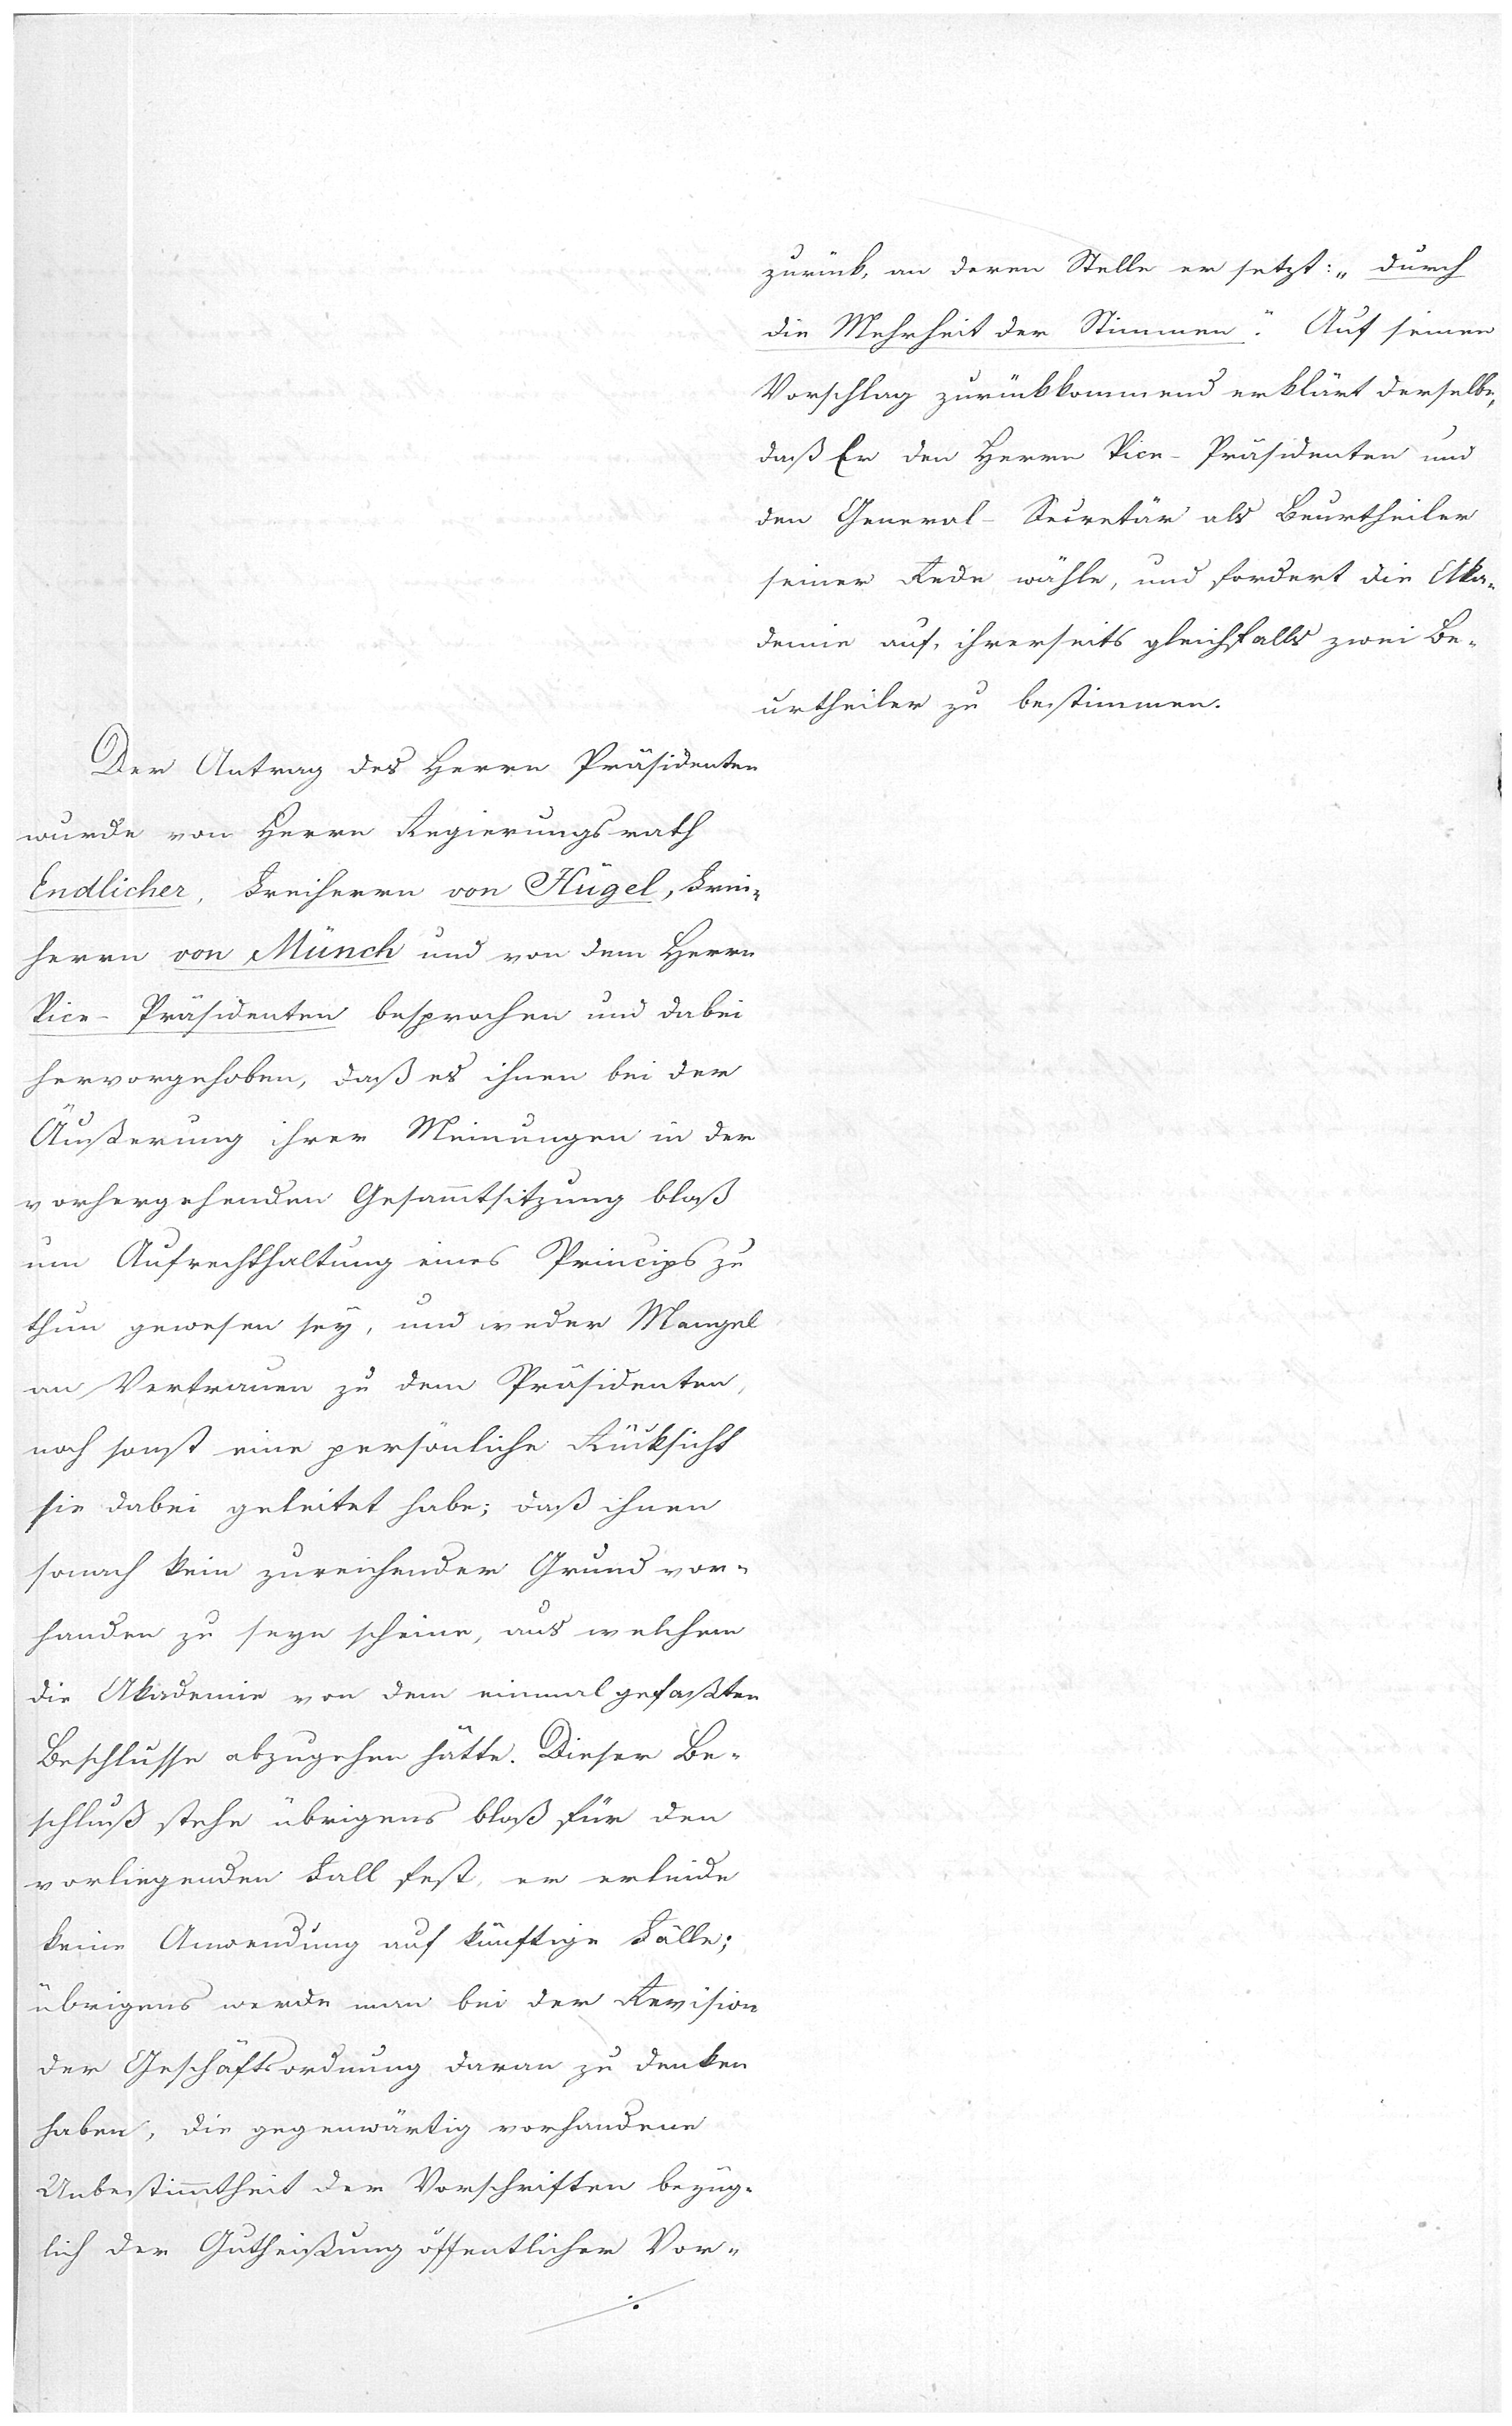zurück, an deren Stelle er setzt: "durch
die Mehrheit der Stimmen." Auf seinen
Vorschlag zurückkommend erklärt derselbe,
daß Er den Herrn Vice-Präsidenten und
den General-Secretär als Beurtheiler
seiner Rede wähle, und fordert die Aka-
demie auf, ihrerseits gleichfalls zwei Be-
urtheiler zu bestimmen.
Der Antrag des Herrn Präsidenten
wurde von Herrn Regierungsrath
Endlicher, Freiherrn von Hügel, Frei-
herrn von Münch und von dem Herrn
Vice-Präsidenten besprochen und dabei
hervorgehoben, daß es ihnen bei der
Äußerung ihrer Meinungen in der
vorhergehenden Gesammtsitzung bloß
um Aufrechthaltung eines Princips zu
thun gewesen sey, und weder Mangel
an Vertrauen zu dem Präsidenten,
noch sonst eine persönliche Rücksicht
sie dabei geleitet habe; daß ihnen
sonach kein zureichender Grund vor-
handen zu seyn scheine, aus welchem
die Akademie von dem einmal gefaßten
Beschlusse abzugehen hätte. Dieser Be-
schluß stehe übrigens bloß für den
vorliegenden Fall fest, er erleide
keine Anwendung auf künftige Fälle,
übrigens werde man bei der Revision
der Geschäftsordnung daran zu denken
haben, die gegenwärtig vorhandene
Unbestimmtheit der Vorschriften bezüg-
lich der Gutheißung öffentlicher Vor-